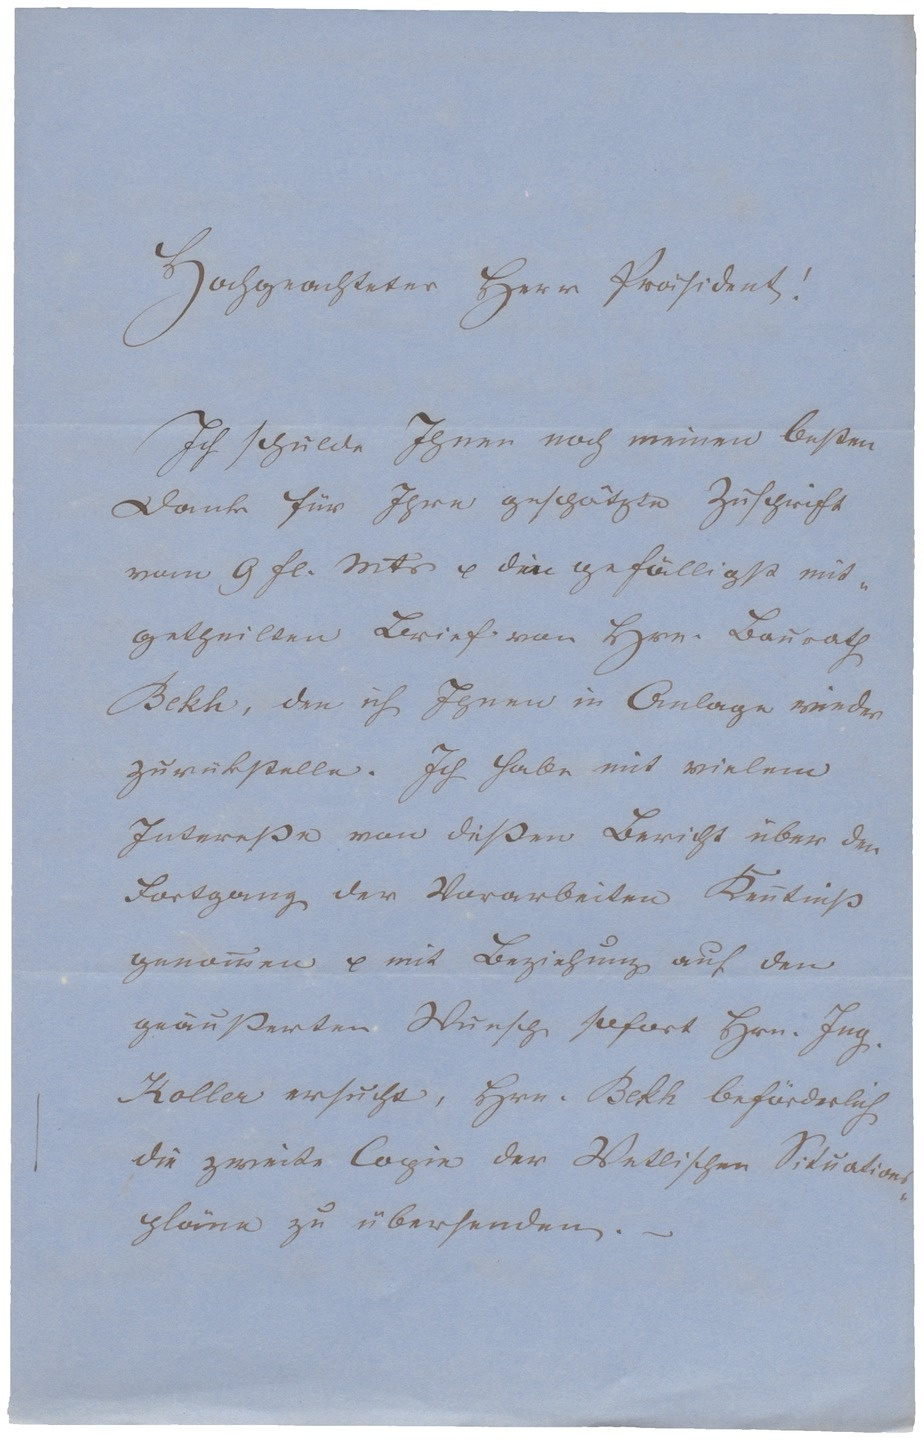Hochgeachteter Herr Präsident!
Ich schulde Ihnen noch meinen besten
Dank für Ihre geschätzte Zuschrift
vom 9 fl. Mts & den gefälligst mit-
getheilten Brief von Hrn. Baurath
Bekh, den ich Ihnen in Anlage wieder
zurükstelle. Ich habe mit vielem
Intereße von deßen Bericht über den
Fortgang der Vorarbeiten Kenntniß
genommen & mit Beziehung auf den
geäußerten Wunsch sofort Hrn. Ing.
Koller ersucht, Hrn. Bekh beförderlich
die zweite Copie der Wetlischen Situations-
pläne zu übersenden. –